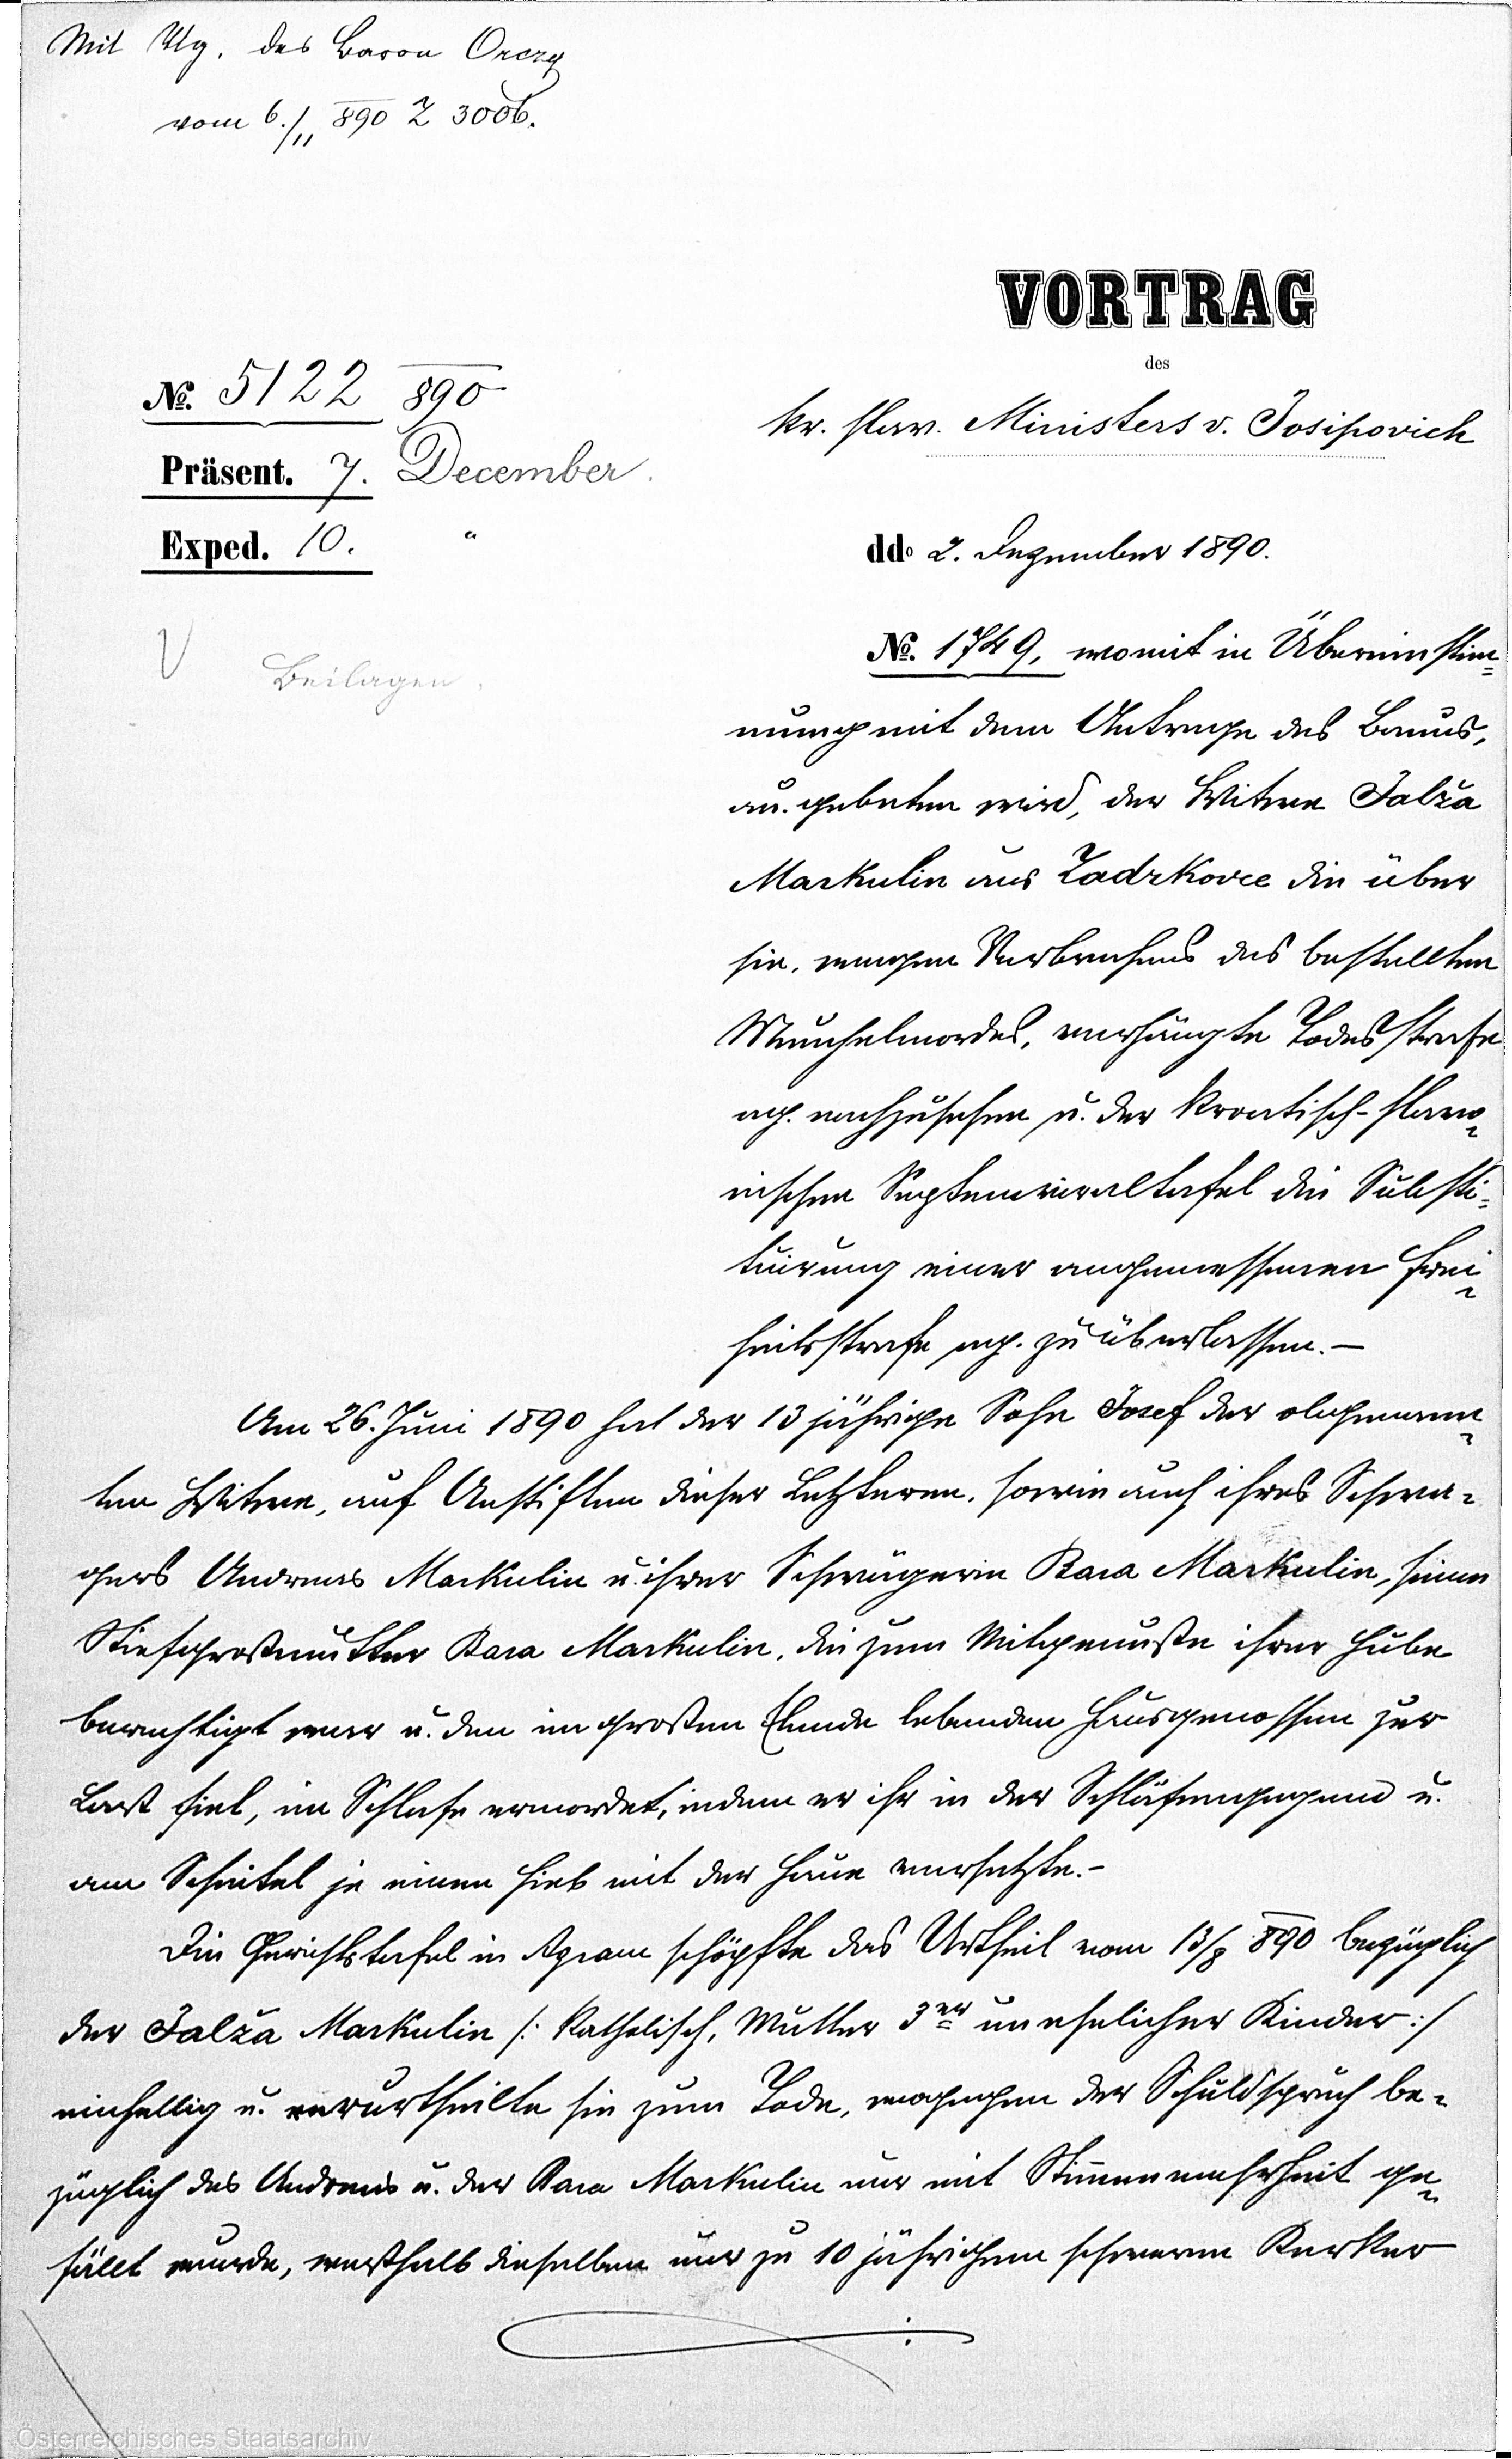Mit Vg. des Baron Orczy
vom 6./11 890 Z 3006.
No. 5122 890
Präsent. 7. December.
Exped. 10. December.
Beilagen.
Vortrag
des
kr. slav. Ministers v. Josipovich
ddo 2. Dezember 1890.
No. 1749, womit in Übereinstim¬
mung mit dem Antrage des Banus,
au. gebeten wird, der Witwe Jalža
Markulin aus Zadrkovce die über
sie, wegen Verbrechens des bestallten
Meuchelmordes, verhängte Todesstrafe
ag. nachzusehen u. der kroatisch-slavo¬
nischen Septemiraltafel die Substi¬
tuirung einer angemessenen Frei¬
heitsstrafe ag. zu überlassen.-
Am 26. Juni 1890 hat der 13 jährige Sohn der obgenann¬
ten Witwe, auf Anstiften dieser Letzteren, sowie auch ihres Schwa¬
gers Andreas Markulin u. ihrer Schwürgerin Bara Markulin, seine
Stiefgroßmutter Bara Markulin, die zum Mitgenuße ihrer Hube
berechtigt war u. den im großen Elende lebenden Husgenossin zur
Last fiel, im Schlafe ermordet, indem er ihr in der Schläfengegend u.
am Scheitel je einen hieb mit der Haue versetzte.-
Die Gerichtstafel in Agram schöpfte des Urtheil vom 13/8 890 bezüglich
der Salža Markulin /: katholisch, Mutter 3er unehelicher Kinder :/
einhellig u. verurtheilte sie zum Tode, wogegen der Schuldspruch be¬
züglich des Andreas u. der Bara Markulin nur mit Stimmenmehrheit ge¬
fällt wurde, xxhalb dieselben nur zu 10 jährigem schweren Kerker